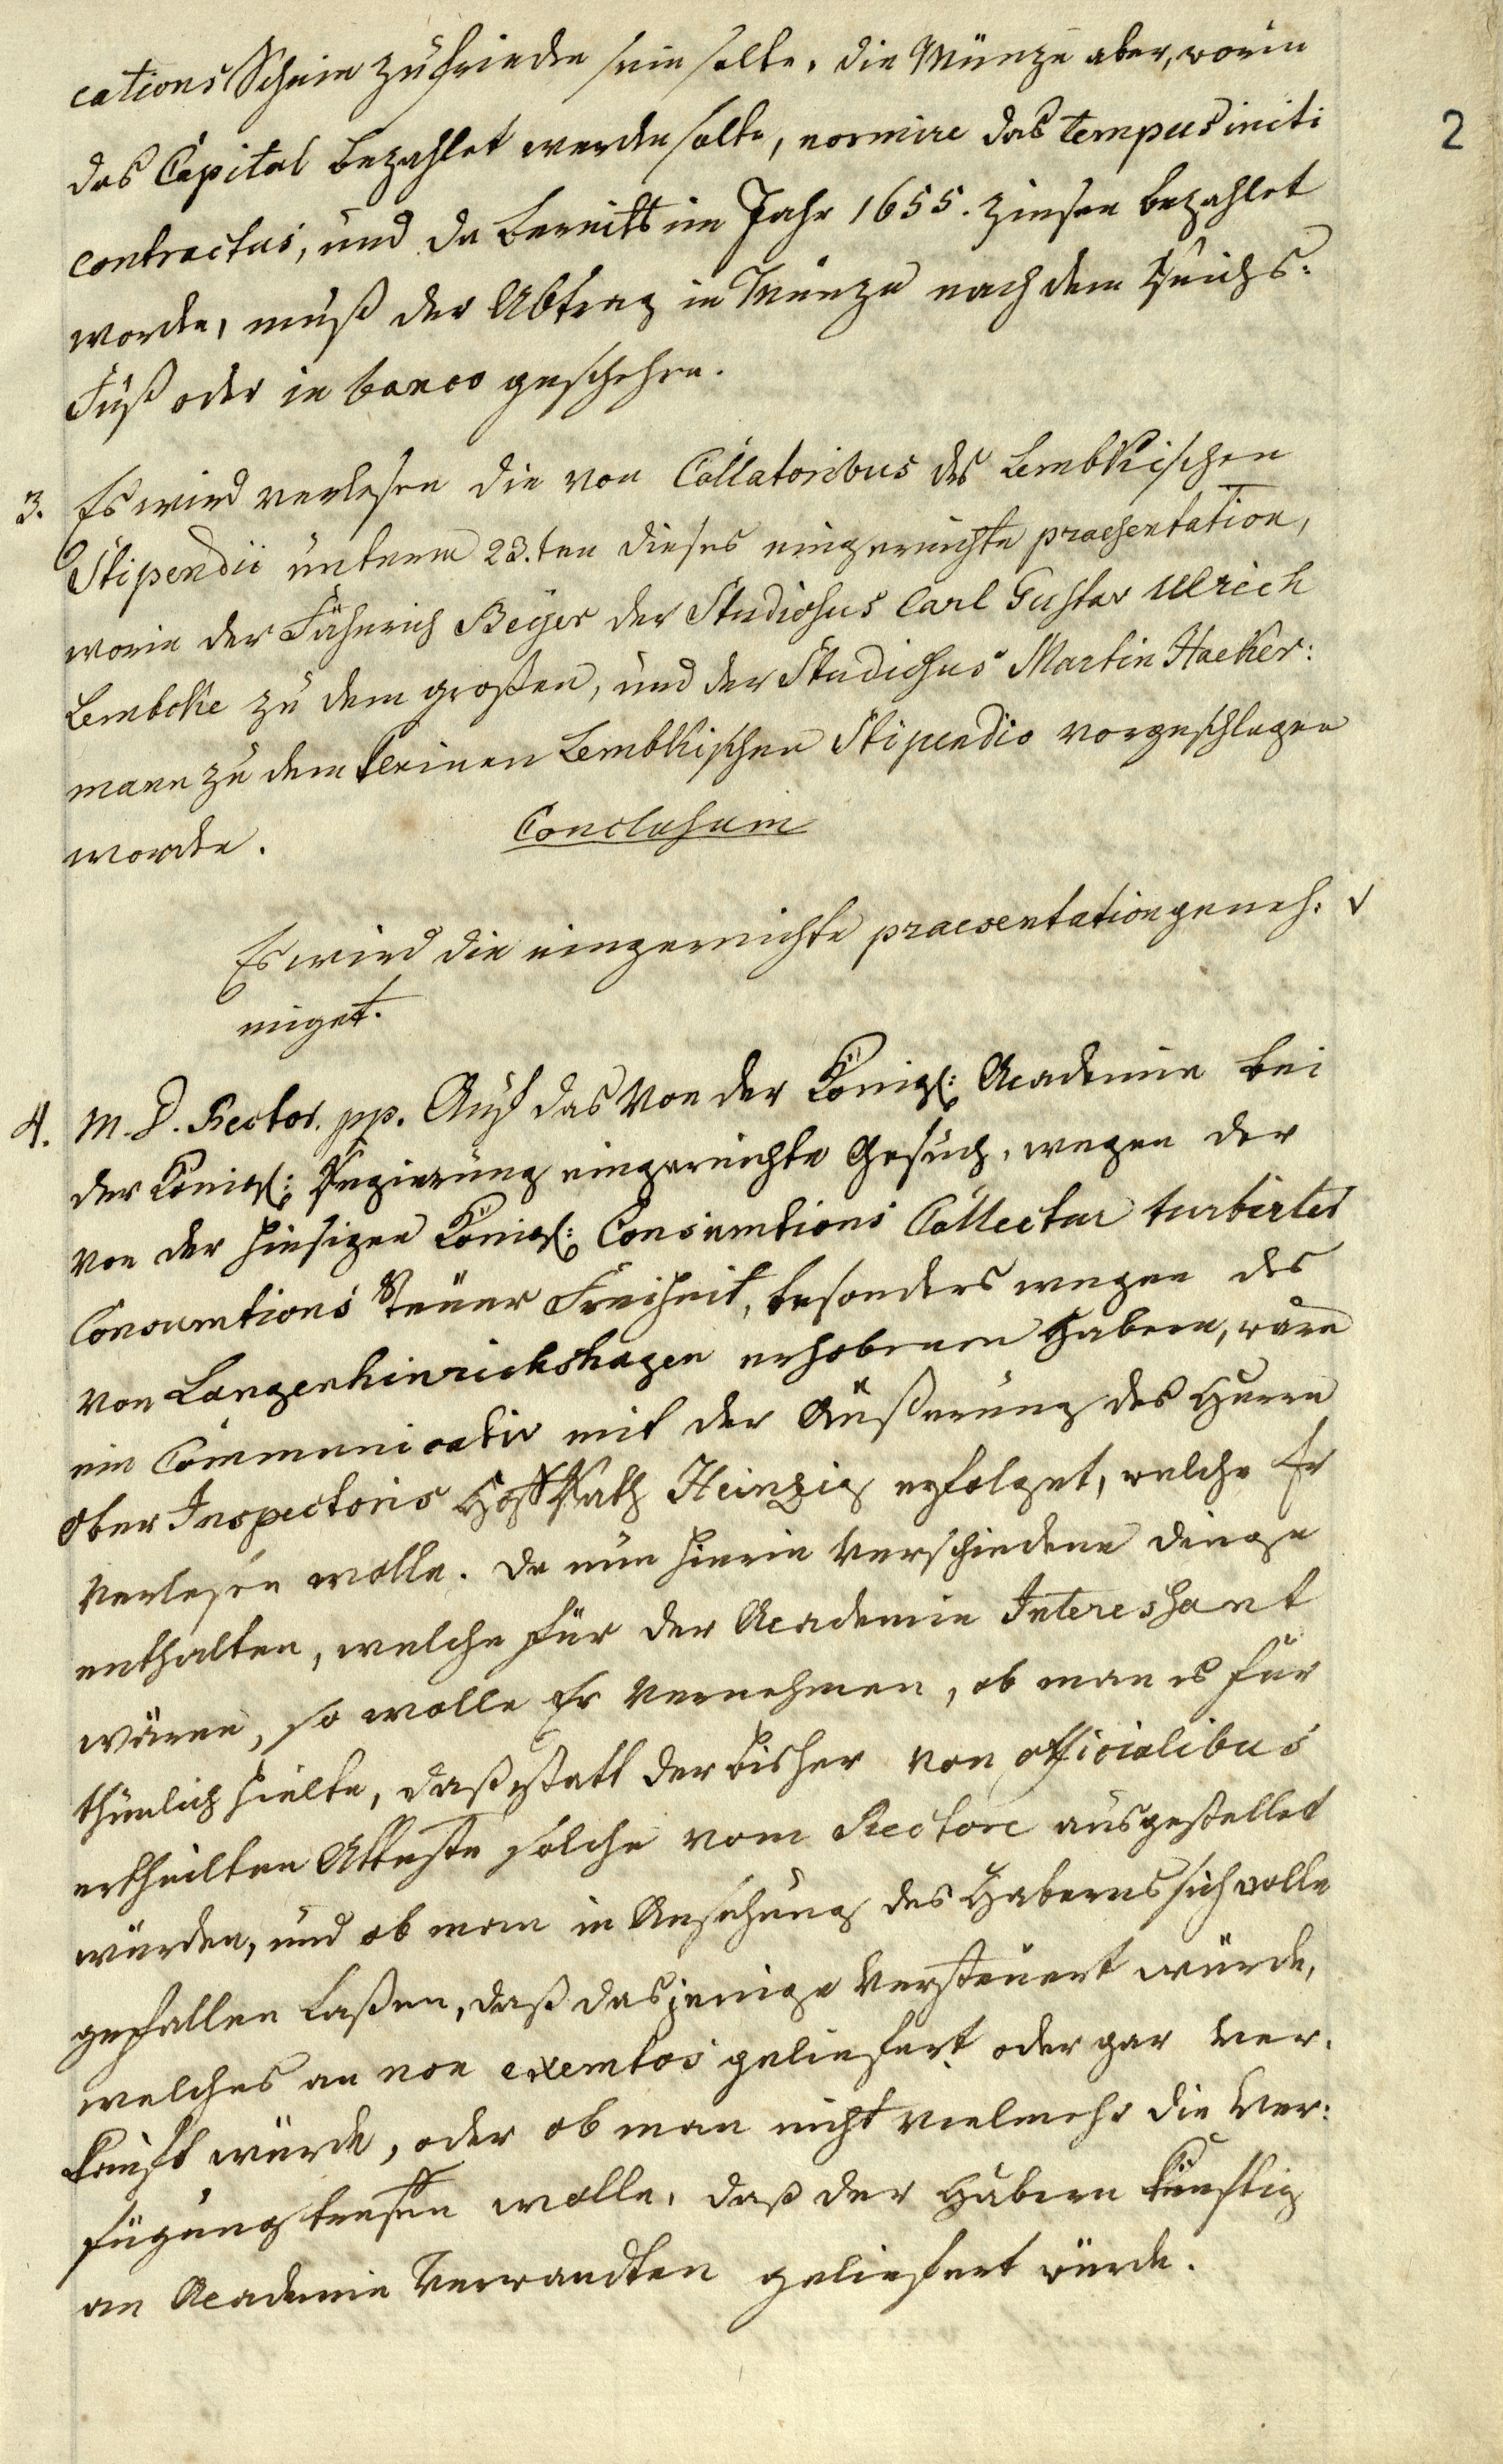cations Schein zufrieden sein solte, die Münze aber, worin
das Capital bezahlet werden solte, normire das tempus initi
contractus, und da bereits im Jahre 1655. Zinsen bezahlet
worden, muß der Abtrag in Münze nach dem Reichs¬
Fuß oder in banco geschehen.
3. Es wird verlesen die von Collatoribus des Lembkischen
Stipendii unterm 23. ten dieses eingereichte praesentation
worin der Fähnrich Beÿer der Studiosus Carl Gustav Ulrich
Lembcke zu dem großen, und der Studiosus Martin Haeker¬
mann zu dem kleinen Lembkischen Stipendio vorgeschlagen
worden. Conclusum
Es wird die eingereichte praesentation geneh¬
miget.
4. M. D. Rector.pp. Auf das von der Königl. Academie bei
der Königl. Regierung eingereichte Gesuch, wegen der
von der hiesigen Königl. Consumtions Collectur turbirter
Consumtions Steuer Freiheit, besonders wegen des
von Langenhinrichshagen erhobenen Habern, wäre
ein Communicativ mit der Äußerung des Herrn
Ober Inspectoris HofRath Heinzig erfolget, welche Er
verlesen wolle. Da nun hierin verschiedene Dinge
enthalten, welche für der Academie Interessant
wären, so wolle Er vernehmen, ob man es für
thunlich hielte, daß statt der bisher von officialibus
ertheilten Atteste solche vom Rectore ausgestellet
würden, und ob man in Ansehung des Haberns sich wolle
gefallen laßen, daß dasjenige versteuert würde,
welches an non exemtos geliefert oder gar ver¬
kauft würde, oder ob man nicht vielmehr die Ver¬
fügung trefen wolle, daß der Habern künftig
an Academie Verwandten geliefert würde.